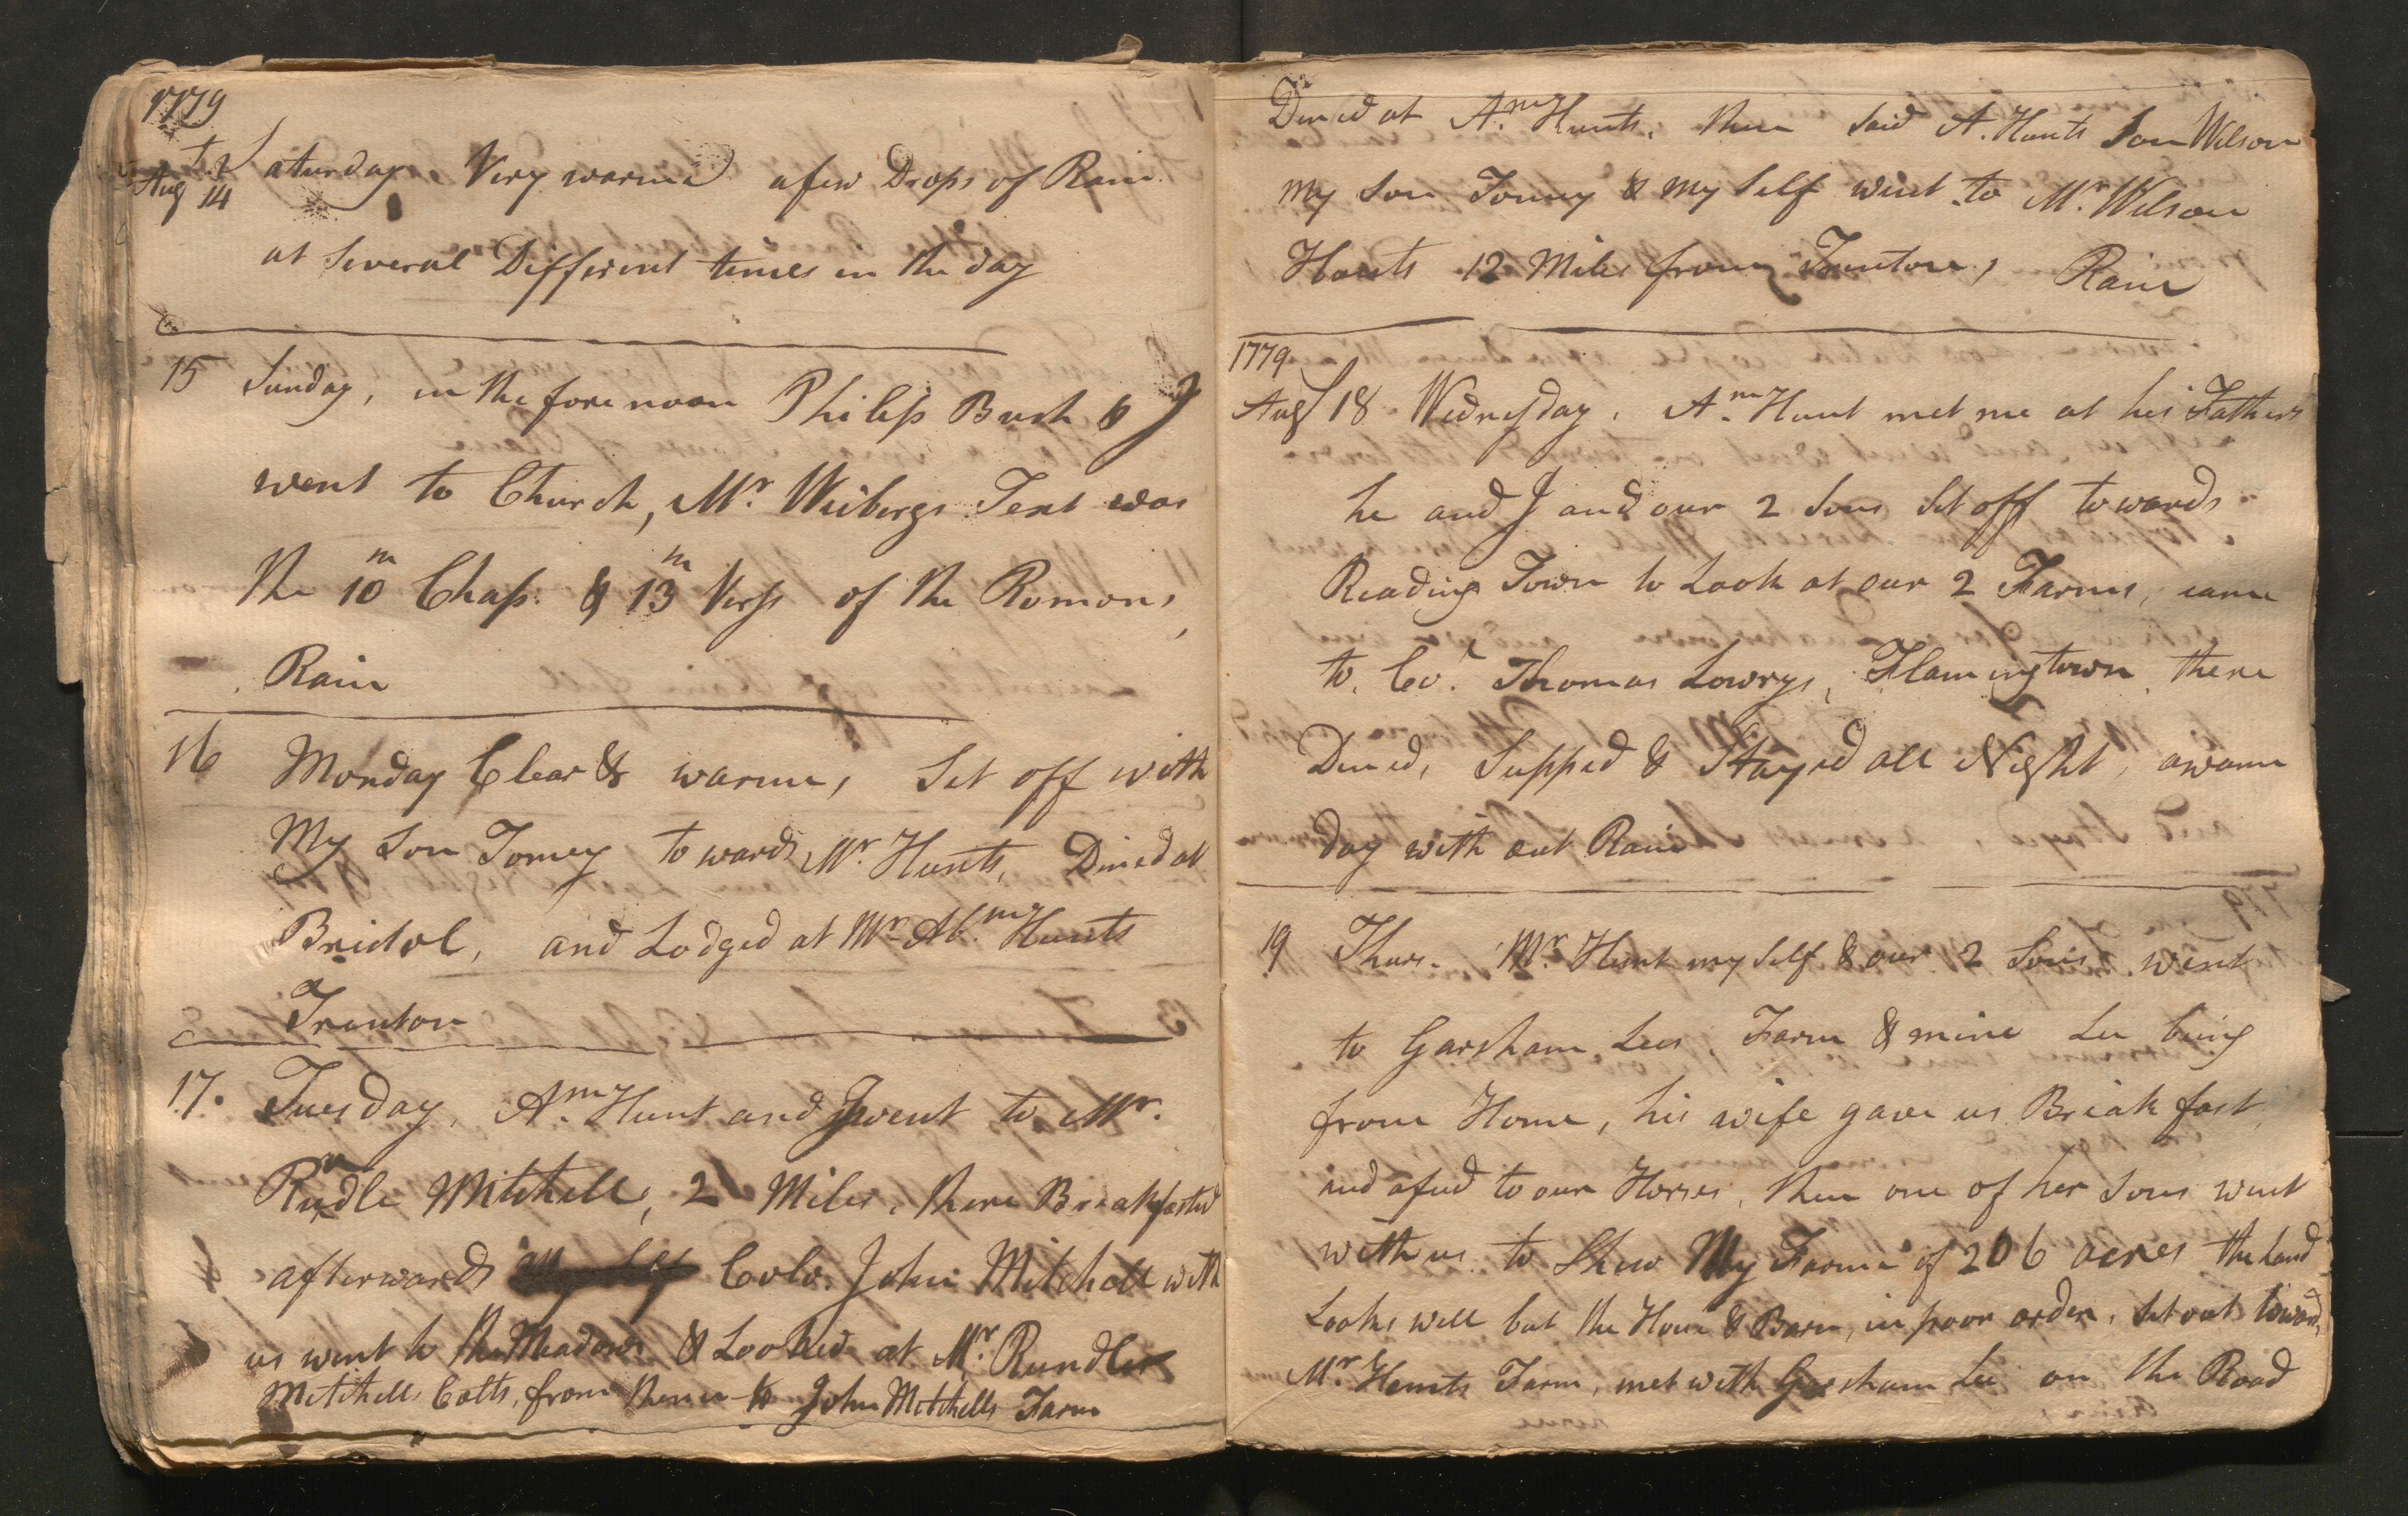1779
Aug 14
Saturday Very warme a few Drops of Rain
at Several Different times in the day
15 Sunday, in the forenoon Philip Bush & I
went to Church, M^r. Weibergs Text was
the 10^th Chap. & 13^th Verss of the Romons
Rain
16 Monday Clear & warme, Set off with
My Son Tomey to wards M^r. Hunts Dined at
Bristol, and Lodged at M^r. Ab^m. Hunts
Trenton
17. Tuesday, A^m. Hunt and I went to M^r.
Ra^ndle Mitchell, 2 Miles there Brighton
afterwards [________] Colo. John Mitchell with
us went to the Meadows & Looked at M^r. Rundles
Mitchells Colts, from thence to John Mitchells Farm
Dined at A^m. Hunts, there said A. Hunts Son Wilson
My Son Tomey & my self went to M^r. Wilson
Hunts 12 Miles from Trenton, Rain
1779.
Aug 18. Wednesday. A^m. Hunt met me at his Fathers
he and I and our 2 sons set off towards
Reading Town to Look at our 2 Farms, came
to. Co^l. Thomas Lowrys, Flamingtown there
Dined, Supped & Stayed all Night, a warm
day with out Rain
19. Thurs. M^r. Hunt my Sslf & our 2 Sons went
to Garsham Lees Farm & mine Lee being
froue Home, his wife gave us Breakfast
and a feed to our Horses, there one of her sons went
with us to Shew My Farm of 206 acres the Land
Looks well, but the Hous & Barn in poor order. set out toward
M^r Hunts Farm, met with Garsham Lee on the Road